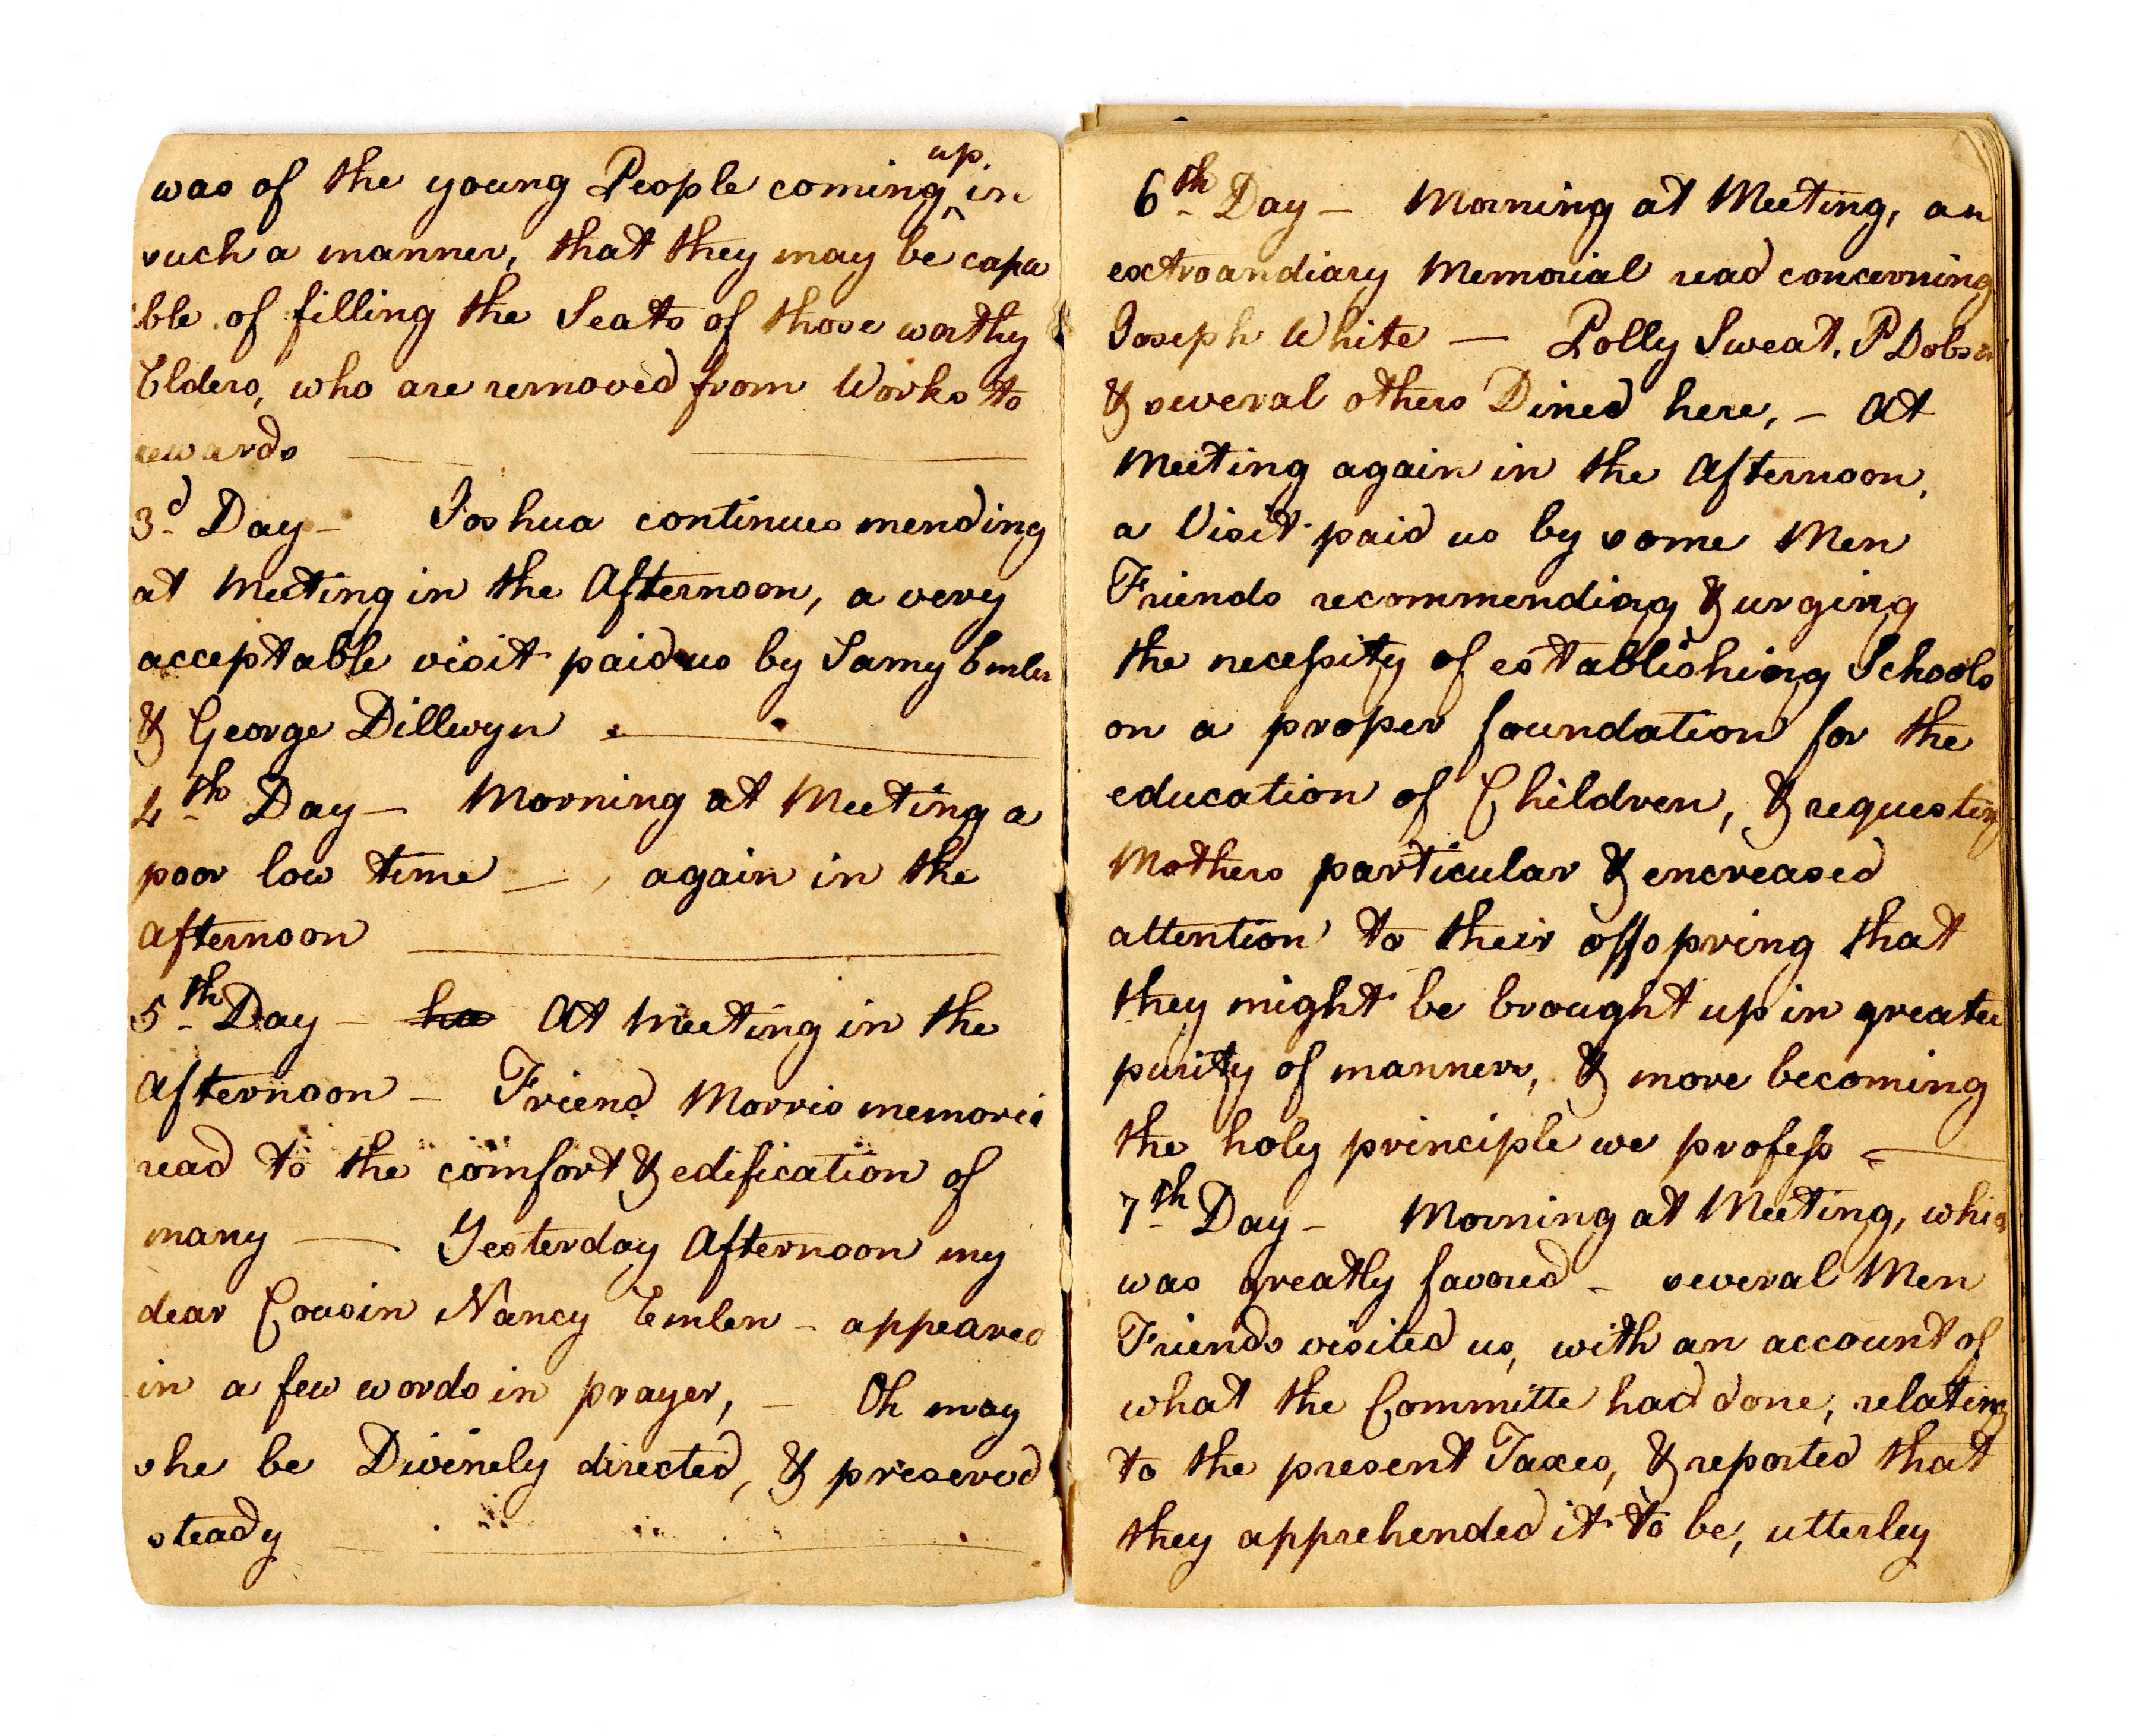up
was of the young People coming ^ in
such a manner, that they may be capa
ble of filling the Seats of those worthy
Elders, who are removed from Works to
rewards-
3^d. Day- Joshua continues mending
at Meeting in the Afternoon, a very
acceptable visit paid us by Samy Emlen
& George Dillwyn-
4^th Day- Morning at Meeting a
poor low time- again in the
Afternoon-
5^th Day- [ha] At Meeting in the
Afternoon- Friend Morris memoris
read to the comfort & edification of
many- Yesterday Afternoon my
dear Cousin Nancy Emlen- appeared
in a few words in prayer,- Oh may
she be Divinely directed, & preservd
steady-
6^th Day- Morning at Meeting, an
extroandiary Memorial read concerning
Joseph White- Polly Sweat, P Dobso
& several others Dined here,- At
Meeting again in the Afternoon,
a Visit paid us by some Men
Friends recommending & urging
the necessity of establishing Schools
on a proper foundation for the
education of Children, & requesting
Mothers particular & encreased
attention to their offspring that
they might be brought up in greater
purity of manners, & more becoming
the holy principle we profess-
7^th Day- Morning at Meeting, whic
was Greatly favored- several Men
Friends visited us, with an account of
what the Committe had done, relating
to the present Taxes, & reported that
they apprehended it to be, utterley